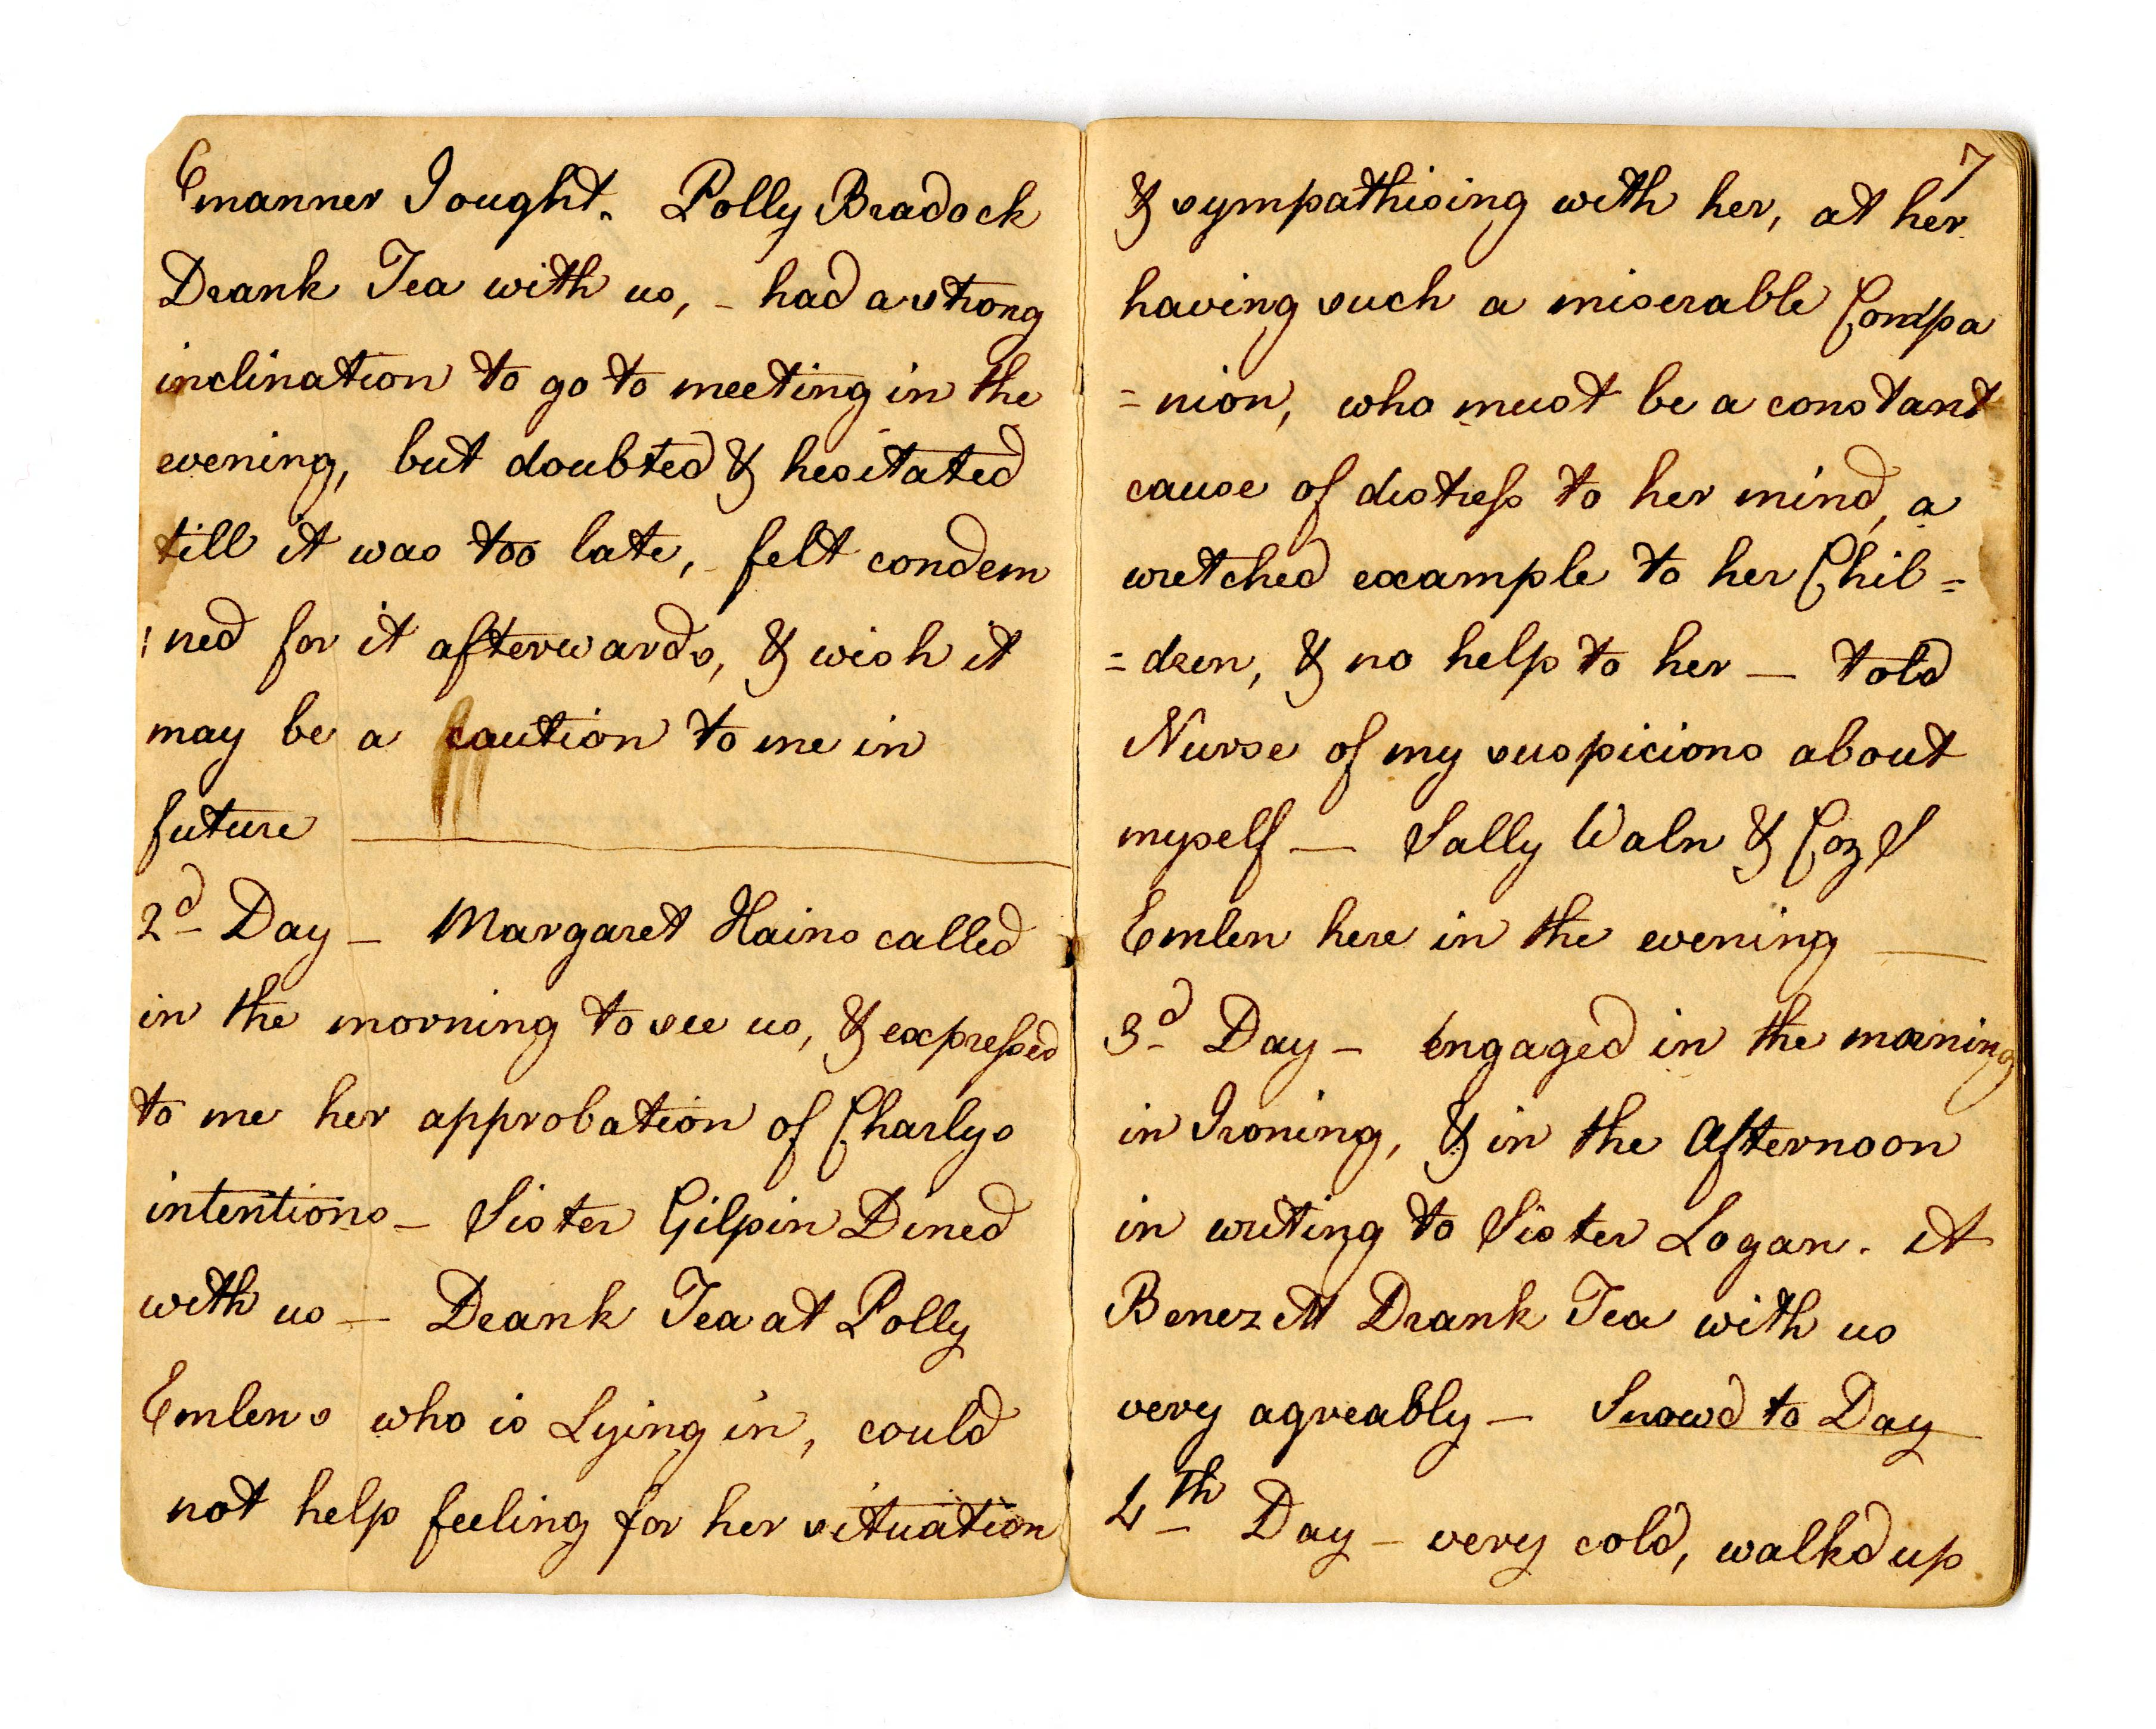6
manner I ought, Polly Bradock
Drank Tea with us, - had a strong
inclination to go to meeting in the
evening, but doubted & hesitated
till it was too late, felt condem
-ned for it afterwards, & wish it
may be a caution to me in
future-
2^d Day- Margaret Hains called
in the morning to see us, & expressed
to me her approbation of Charlys
intentions- Sister Gilpin Dined
with us- Drank Tea at Polly
Emlens who is Lying in, could
not help feeling for her situation
7
& sympathising with her, at her
having such a miserable Compa
-nion, who must be a constant
cause of distress to her mind, a
wretched example to her Chil-
-dren, & no help to her- told
Nurse of my suspicions about
myself- Sally Waln & Coz S
Emlen here in the evening
3^d Day- engaged in the morning
in Ironing, & in the Afternoon
in writing to Sister Logan. A
Benezett Drank Tea with us
very agreably- Snowd to Day-
4^th Day- very cold, walkd up